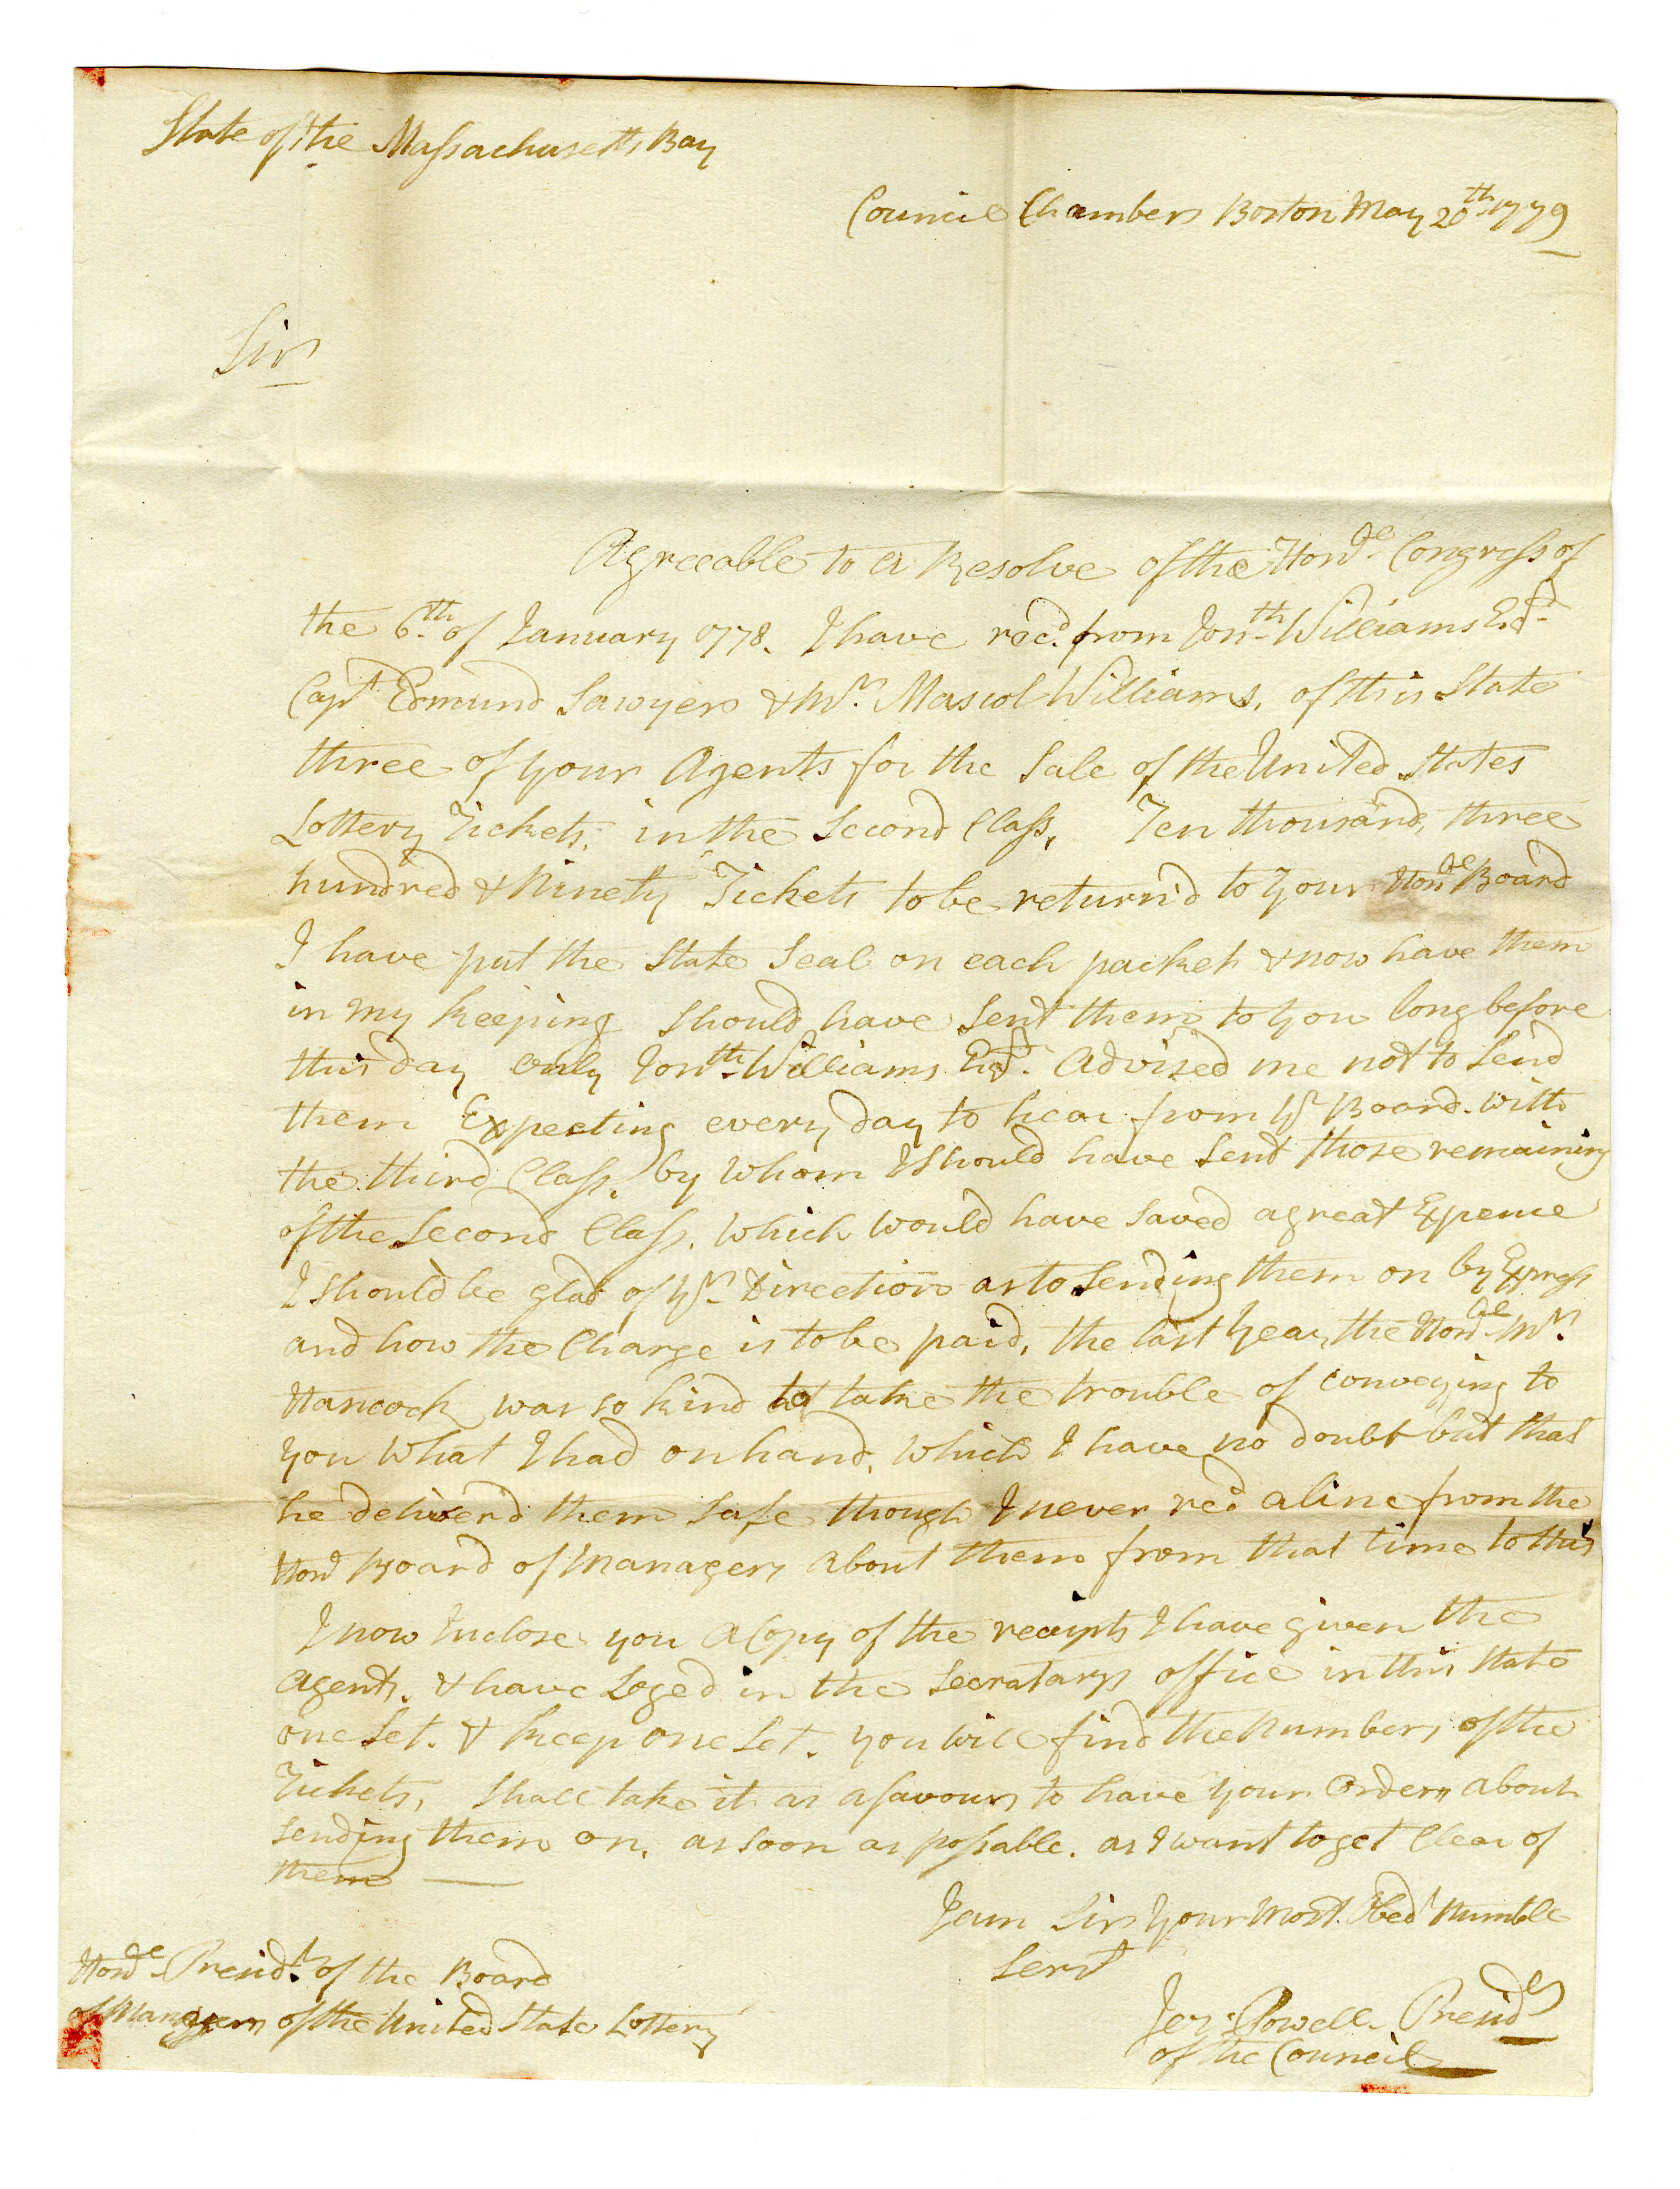State of the Massachusetts Bay
Council Chambers Boston May 20^th 1779
Sir
Agreeable to a Resolve of the Hon^be. Congress of
the 6^th. of January 1778. I have rec^d. from Jon^th. Williams Es^r.
Cap^t. Edmund Sawyers & M^r. Mascol Williams, of this State
three of your agents for the sale of the United States
Lottery Tickets in the Second Class, Ten thousand, three
hundred & ninety Tickets to be returned to your Hon^be Board
I have put the State Seal on each packet & now have them
in my keeping should have lent them to you long before
this day only Jon^th. Williams Es^r. Advised me not to Lend
them Expecting every day to hear from y^e Board. With
the third Class by whom I should have Sent those remaining
of the Second Class. Which would have saved a great Expence
I should be glad of y^r. Direction onto sending them on by Express
and how the charge is to be paid, the last hear the Hon^be. M^r
Hancock was so kind to take the trouble of conveying to
you what I had on hand. Which I have no doubt but that
he delivered them safe though I never rec^d. a line from the
Hond Board of Managers about them from that time to this
I now enclose you a copy of the receipts I have given the
agents & have Loged in the Secratarys office in this state
one Set. & keep one Set. You will find the number of the
Tickets, shall take it in a favour to have your order about
sending them on, as soon as possable. as I want to get clear of
them-
I am sir your most Obed^t Humble
Serv^t
Jer. Powerll Presd^t
of the Council
Hon^be Presid^t of the Board
of Managers of the United State Lottery